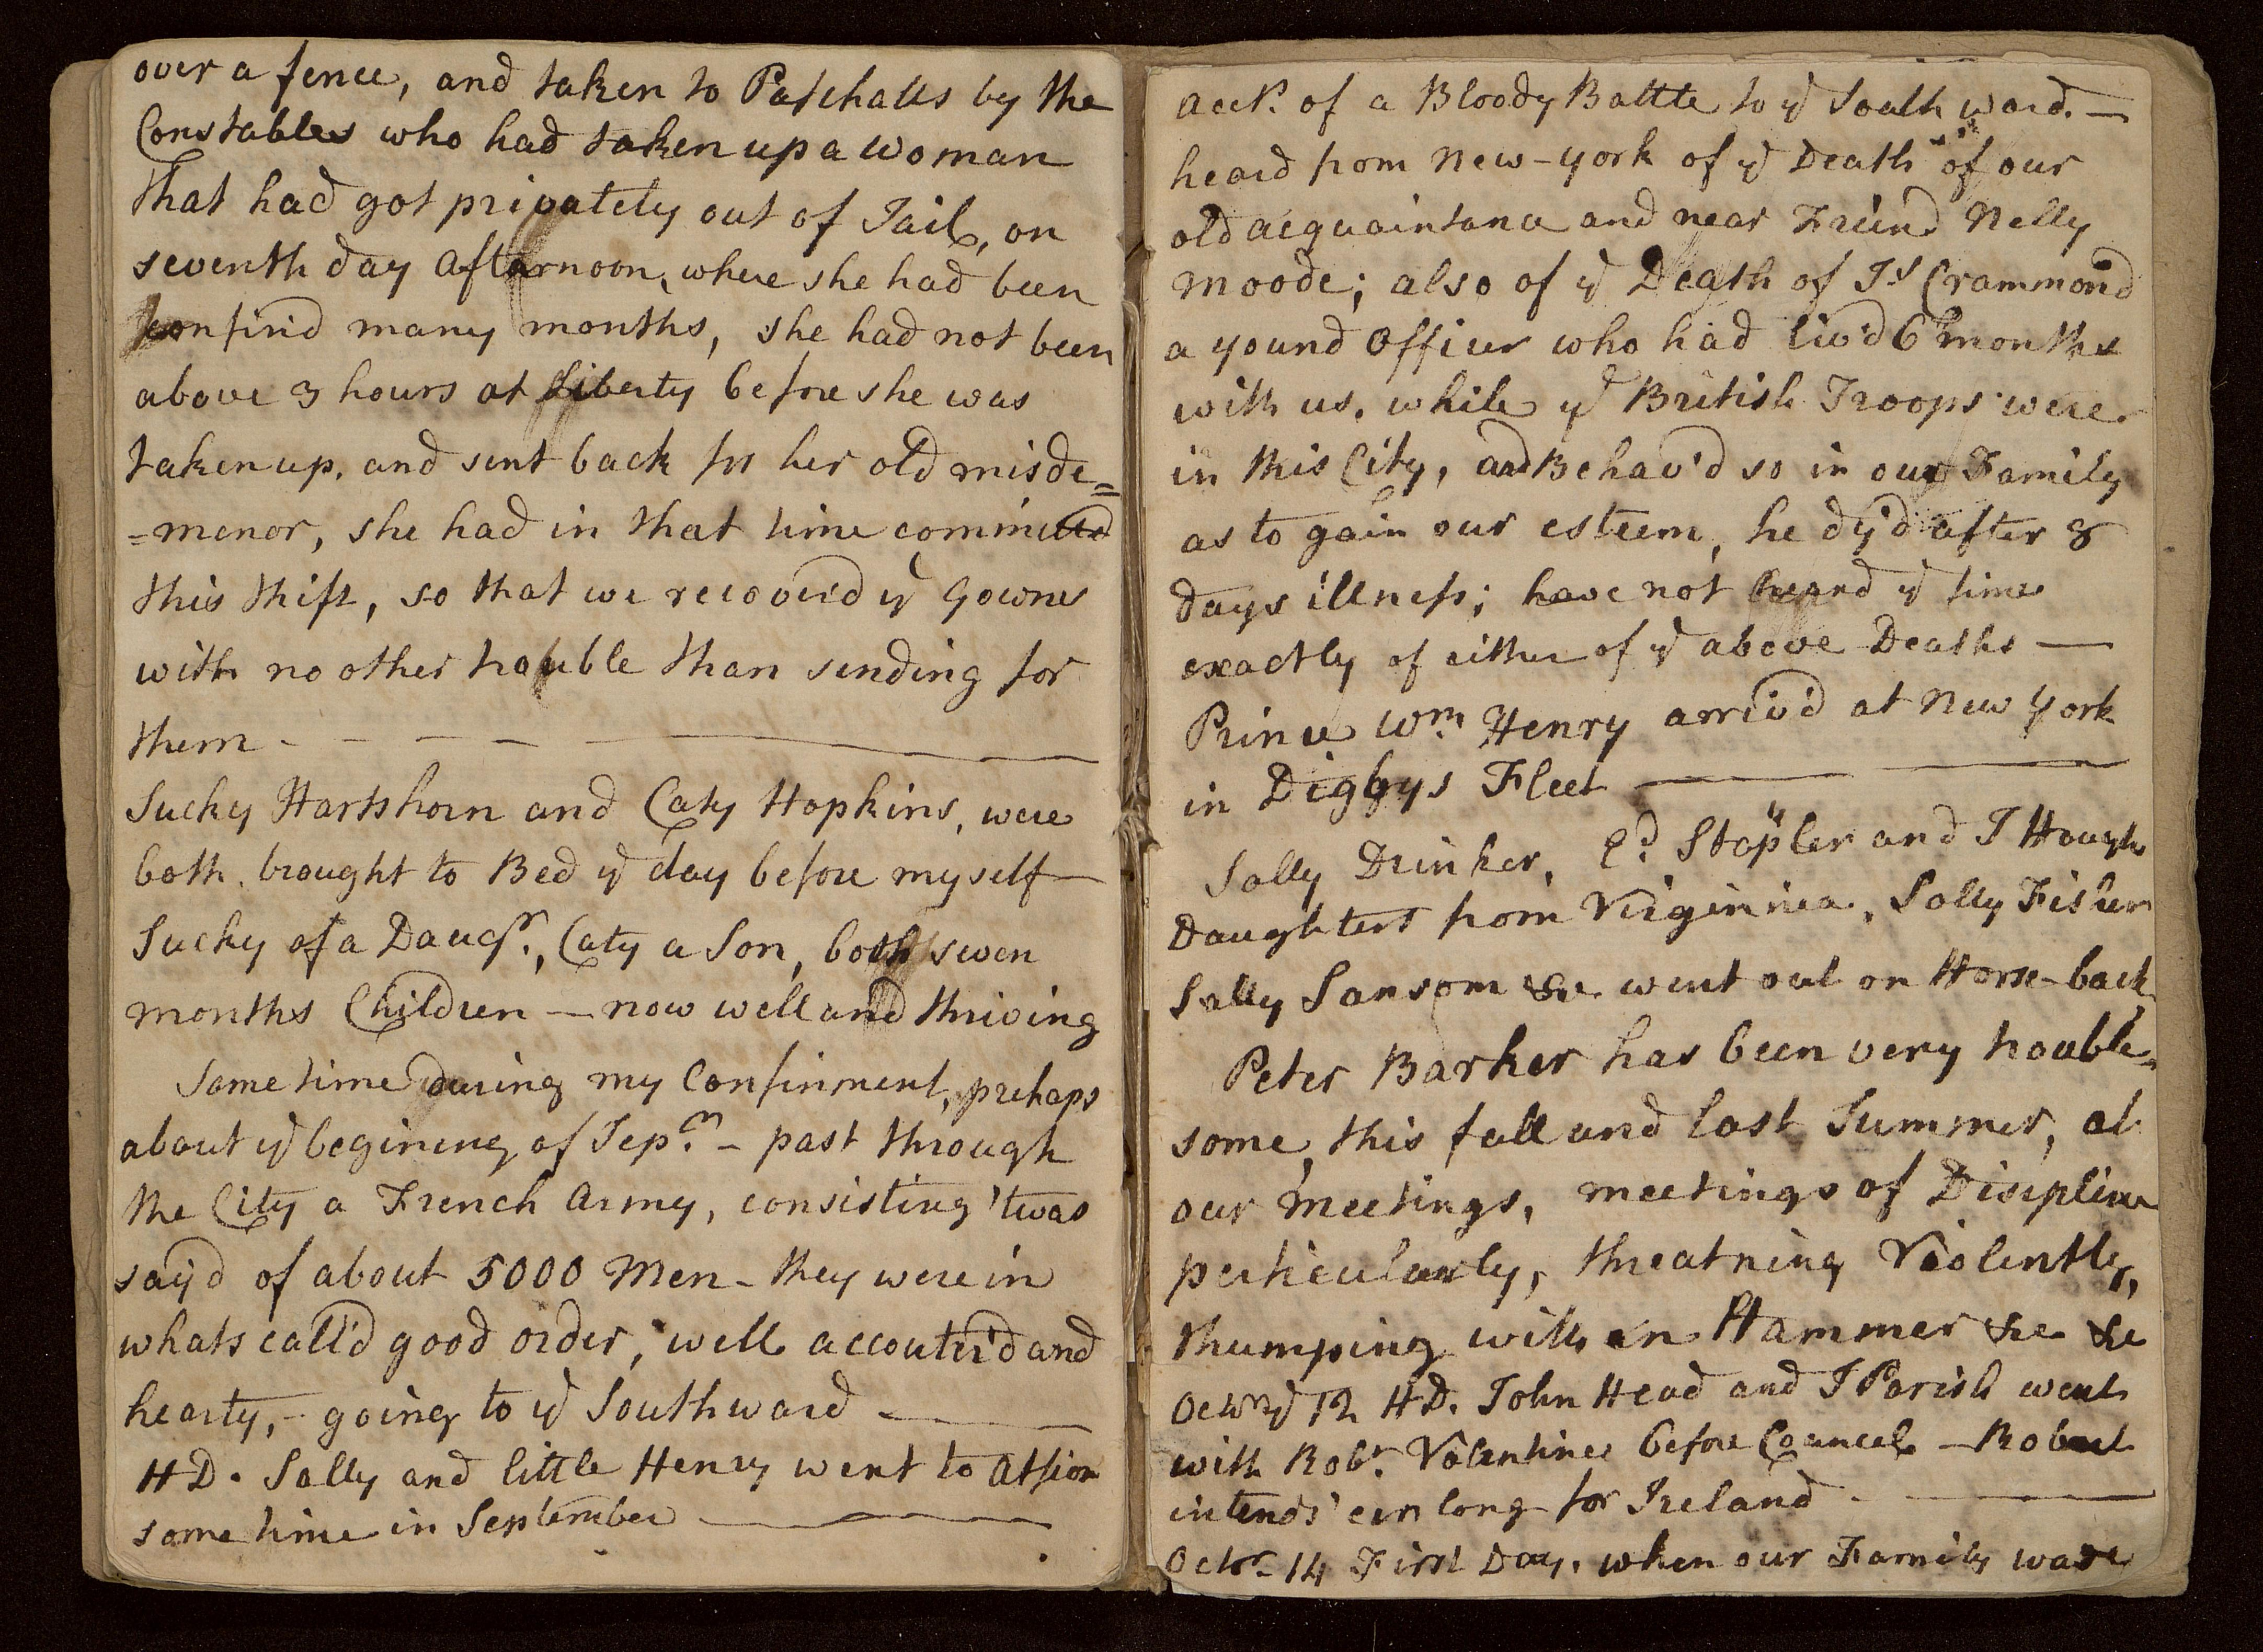over a fence, and taken to Paschalls by the
Constables who had taken up a Woman
that had got privately out of Jail, on
seventh day afternoon, where she had been
confin'd many months, she had not been
above 3 hours at Liberty before she was
taken up, and sent back for her old misde-
-manor, she had in that time committed
this shift, so that we recover'd y^e Gowns
with no other trouble than sending for
them-
Sucky Hartshorn and Caty Hopkins, were
both, brought to Bed y^e day before myself-
Sucky of a Daug^r. Caty a Son, both seven
months Children- now well and thriving
Sometime during my Confinment, prehaps
about y^e begining of Sep^r.- past through
the City a French army, consisting 'twas
say'd of about 5000 Men-they were in
whats call'd good order, well accoutn'd and
hearly,- going to y^e Southward-
HD. Sally and little Henry went to Atsion
some time in September-
acct^s. of a Bloody Battle to y^e South word.-
heard from New-York of y^e Death of our
old acquaintance and near Freind Nelly
Moode; also of y^e Death of J^s. Crammond
a yound Officer who had liv'd 6 months
with us, while y^e British Troops were.
in this City, and Behav'd so in our Family
as to gain sur esteem, he dy'd after 8
days illness; have not brand y^e time
exactly of either of y^e above Deaths-
Prince W^m. Henry arriv'd at New York
in Digbys Fleet
Sally Drinker, E^d. Stapler and I Hough
Daughters from Virginnia, Sally Fisher
Sally Sansom &c went out on Horse-back
Peter Barker has been very trouble-
some, this fall and last summer, al
our meetings, meetings of Disipline
particularly, threatning Violently,
thumping with an Hammer &c &c
Oct^r 12 HD. John Head and J Parish went
with Rob^t. Valentine before Councel- Robert
intends cin long for Ireland-
Oct^r 14 First Day. when our Family was